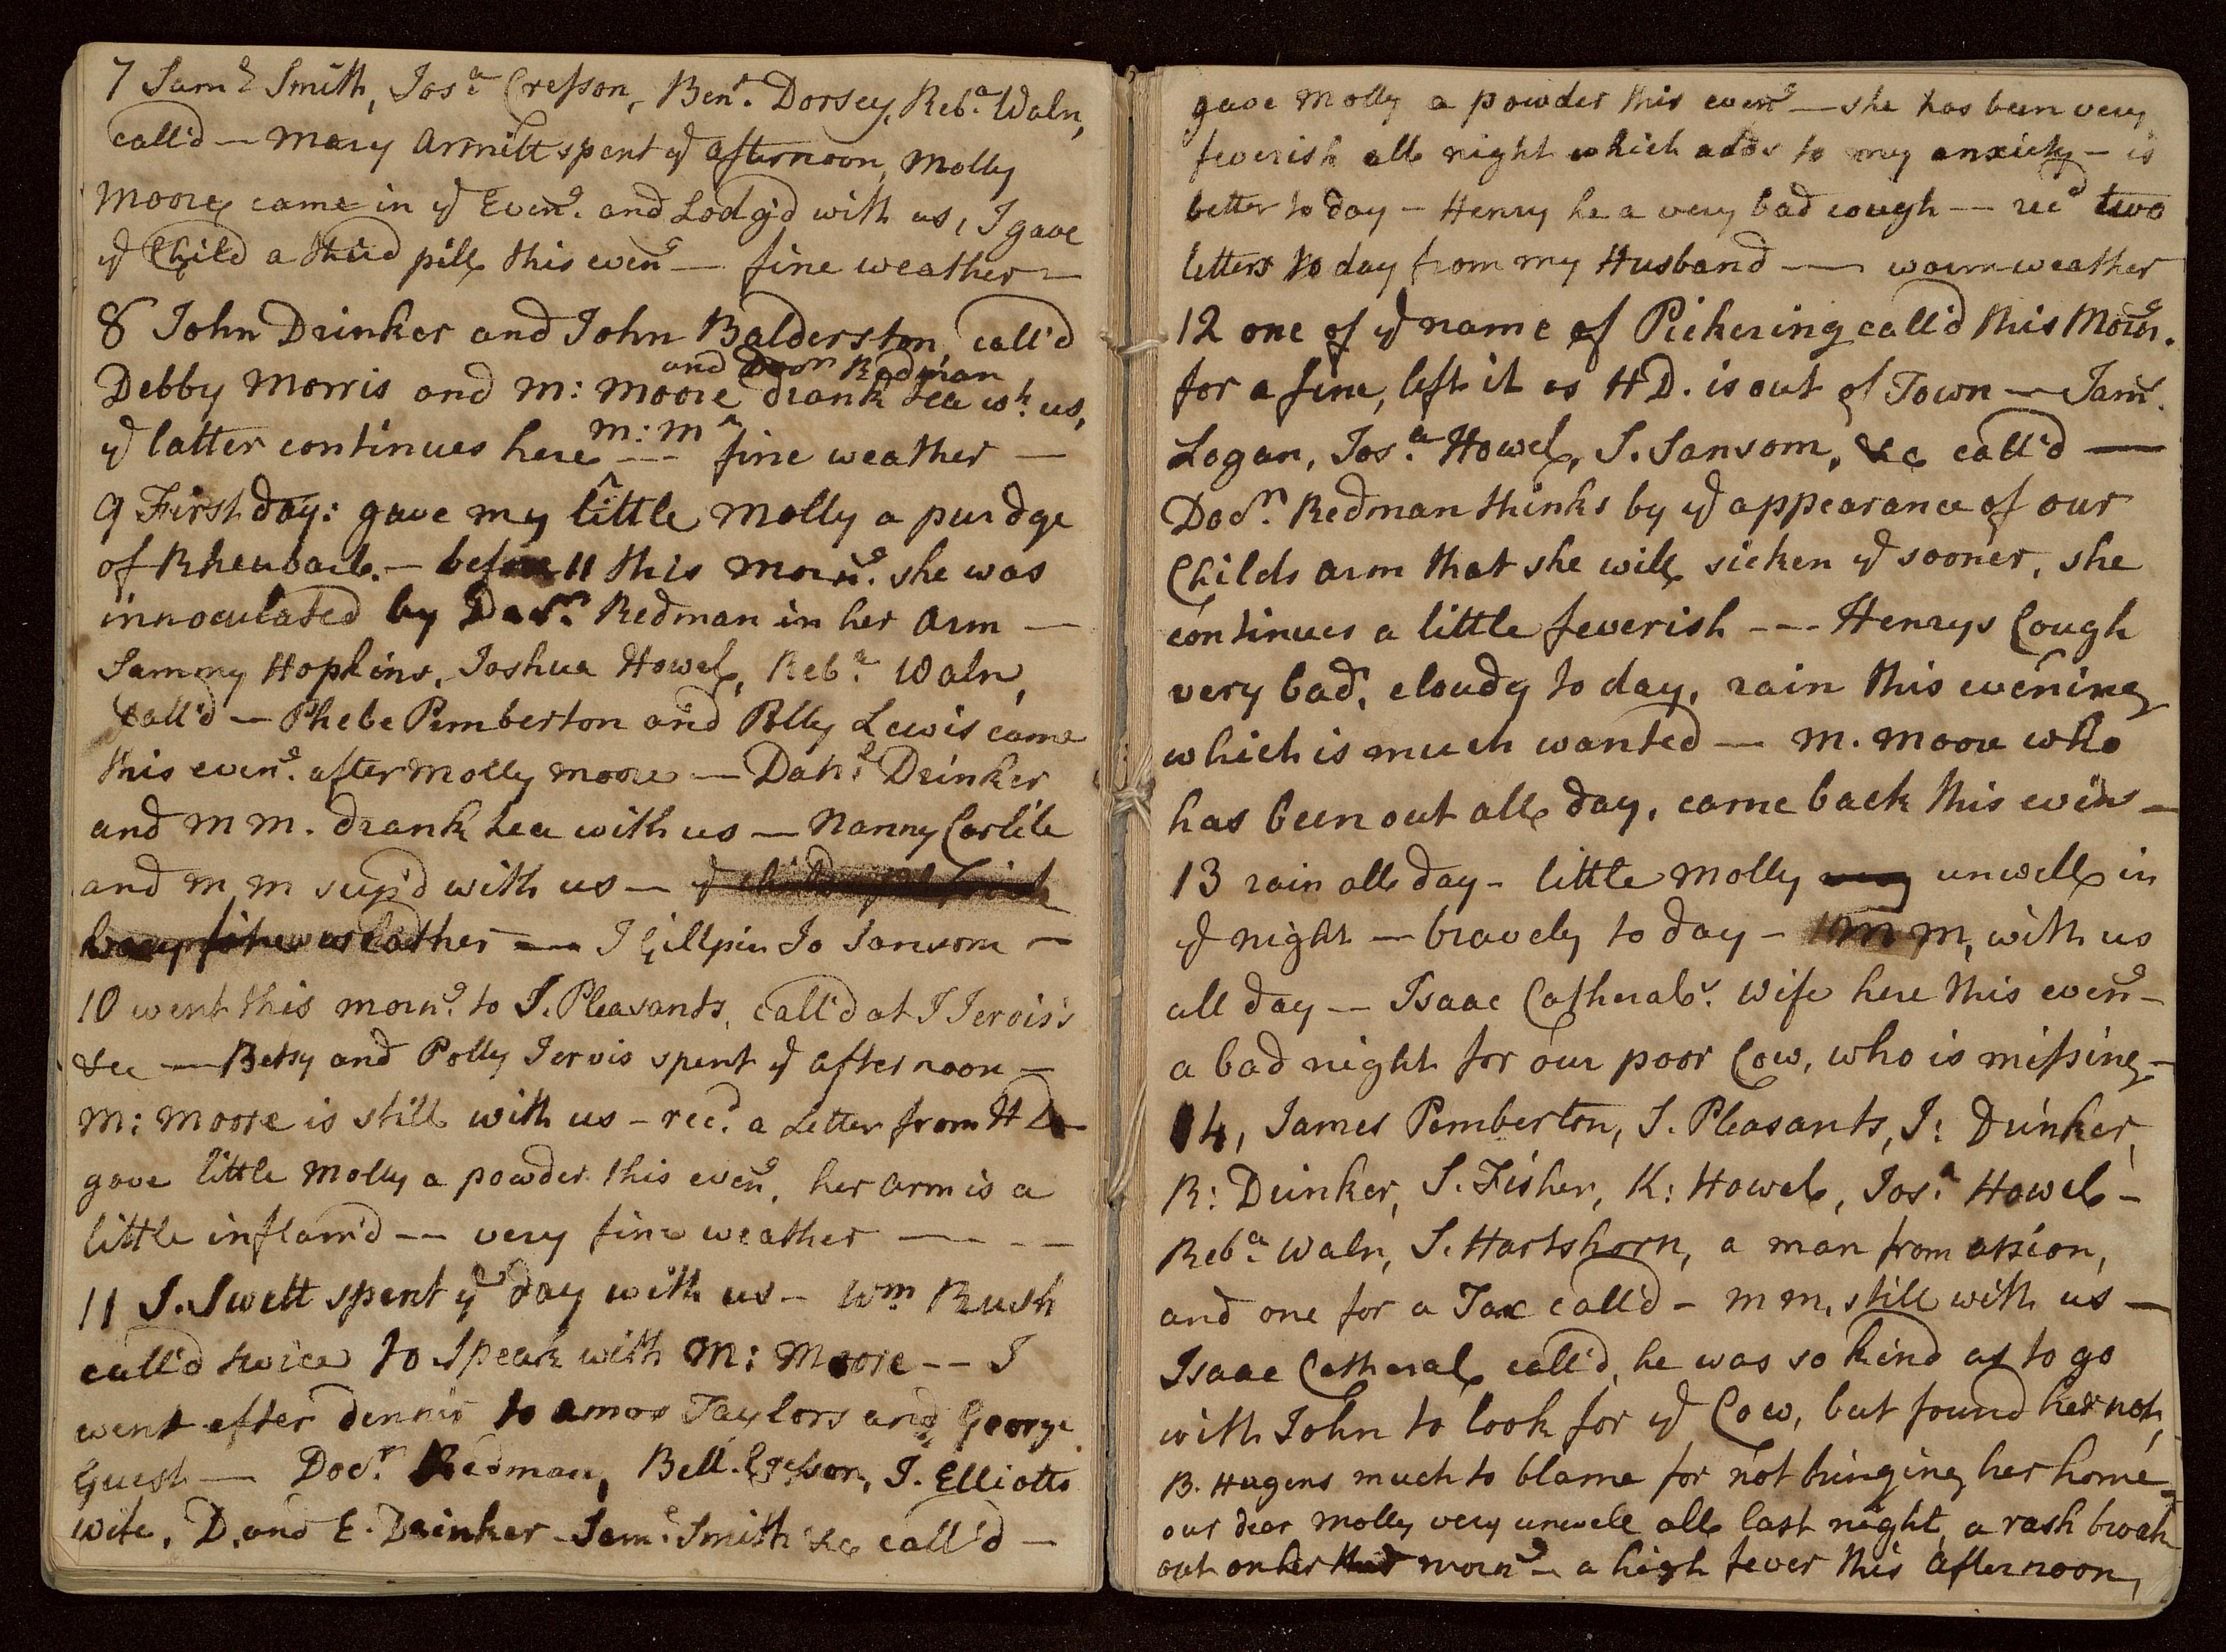7 Sam^l. Smith, Jos^a Cresson, Ben^j. Dorsey, Reb^a. Waln,
call'd- Mary Armitt spent y^e afternoon, Molly
Moory came in y^e Even^g. and Lodg'd with us, I gave
y^e Child a third pill this even^g- fine weather-
8 John Drinker and John Balderston, call'd
and Doc^r Redman
Debby Morris and M: Moore drank tea w^h. us,
M:M^
y^e latter continues here--- fine weather-
9 First day: gave my little Molly a purdge
of Rheubarb.- [before] 11 this morn^g. she was
innoculated by Doc^r. Redman in her arm-
Sammy Hopkins, Joshua Howel, Reb^a. Waln,
call'd- Phebe Pemberton and Polly Lewis came
this even^g. after Molly Moore- Dan^l. Drinker
and M M. drank tea with us- Nanny Carlile
and m m sup'd with us-
[very fine] weather- I Gillpin Jo Sansom-
10 went this morn^g. to S Pleasants, call'd at I Jervis's
&c - Betsy and Polly Jervis spent y^e after noon-
M: Moore is still with us- rec^d. a Letter from HD-
gove little Molly a poader this even her Armis a
little inflam'd-- very fine weather--
11 S. Swett spent y^e day with us- W^m. Rush
call'd twice to Speak with M: Moore-- I
went after dinner to Amos Taylors and George
Guest- Doc^r. Redman, Bell Cresson, I. Ellicotts
wife, D. and E. Drinker- Sam^l. Smith &c call'd-
gave Molly a powder this even^g.- she has been very
feverish all night which adds to my anxiety- is
better to day- Henry he a very bad cough- rec^d two
letters to day from my Husband- warm weather
12 one of y^e name of Pickering call'd this Morn^g.
for a fine, left it as HD. is out of Town- Jam^s.
Logan, Jos^a. Howel, S. Sansom , &c call'd-
Doc^r. Redman thinks by y^e appearance of our
Childs arm that she will sicken y^e sooner, she
continues a little feverish--- Henrys Cough
very bad, cloudy to day, rain this evening
which is much wanted- M. Moore who
has been out all day, came back this even-
13 rain all day- little Molly [very] unwell in
y^e night- bravely to day- m m. with us
all day- Isaac Catheral^s. Wife here this even^g-
a bad night for our poor Cow, who is missing-
14, James Pemberton, S. Pleasants, I: Drinker,
R: Drinker, S. Fisher, K: Howel, Jos^a. Howel-
Reb^a. Waln, S. Hartshoon, a man from atsion,
and one for a Tax call'd- m m, still with us-
Isaac Catheral call'd, he was so kind as to go
with John to look for y^e Cow, but found her not,
B. Hugens much to blame for not bringing her home
our dear Molly very unwell all last night, a rash broak
out on her that morn^g- a high fever this afternoon,